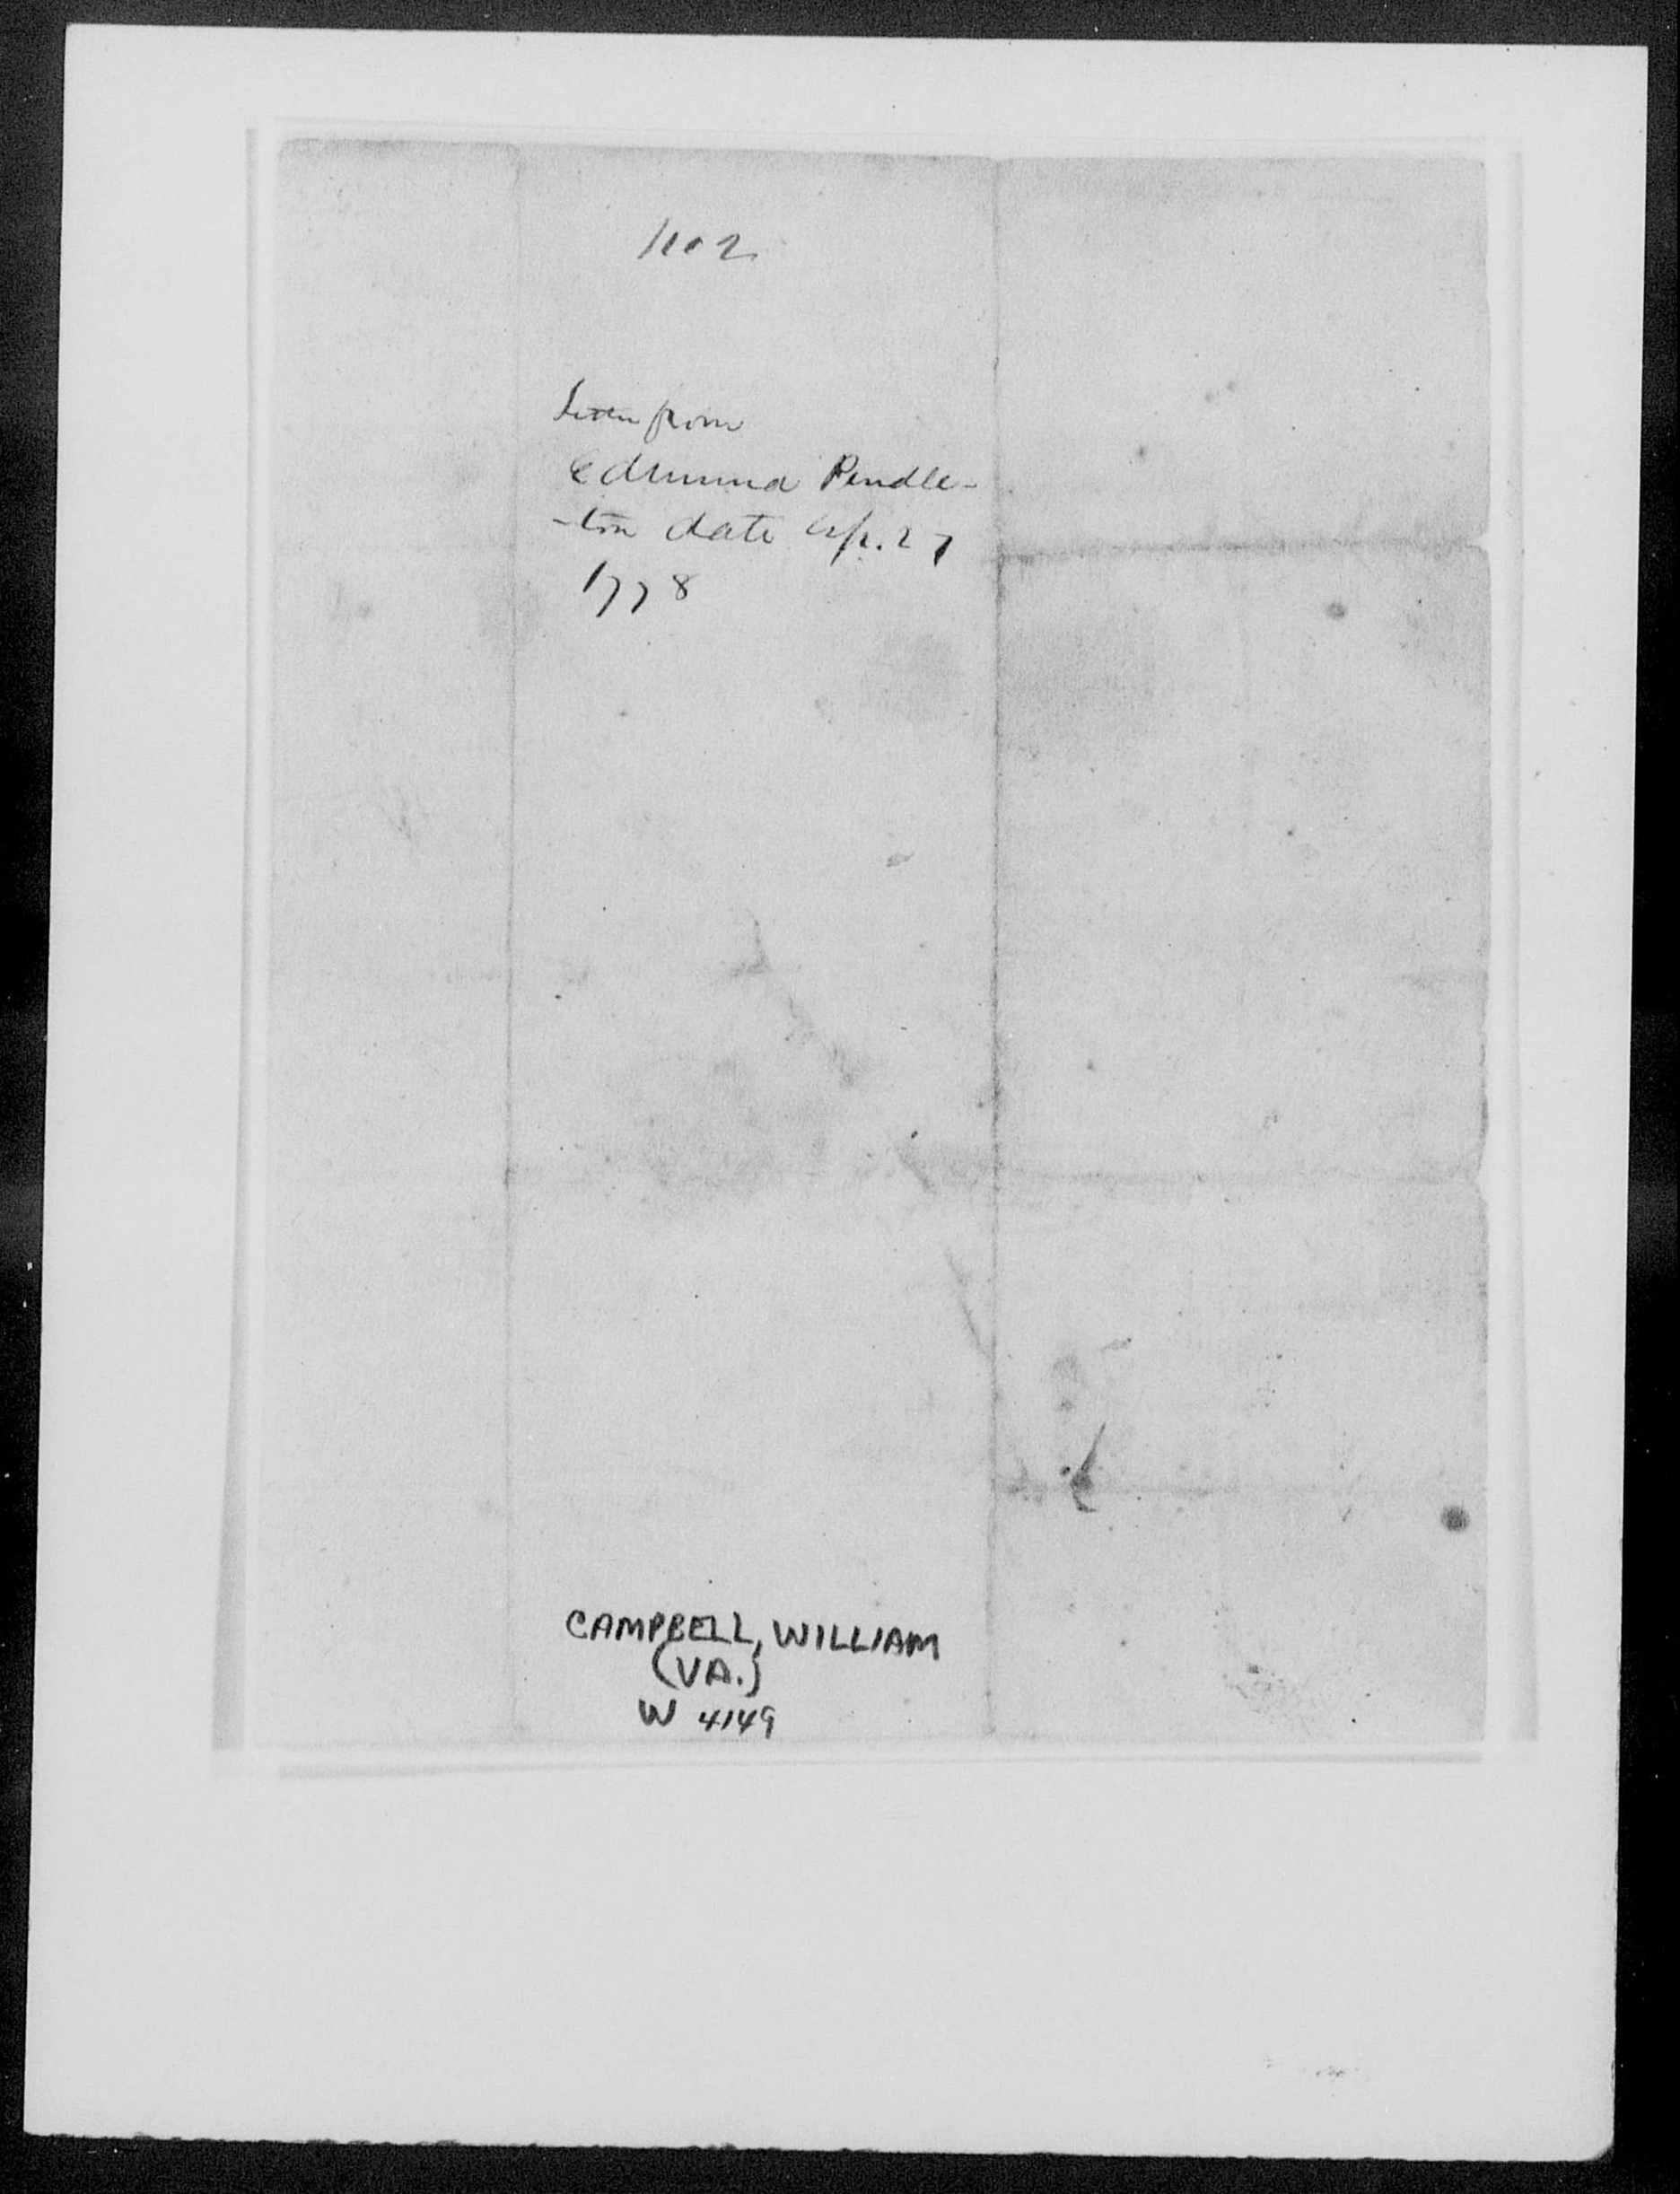No 2

Letter from Edmund Pendleton date April. 27 1778



CAMPBELL, WILLIAM (VA.).  W  4149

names: Edmund Pendleton, William Campbell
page: 34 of 267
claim: widow's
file: W. 4,149, William Campbell, Va.